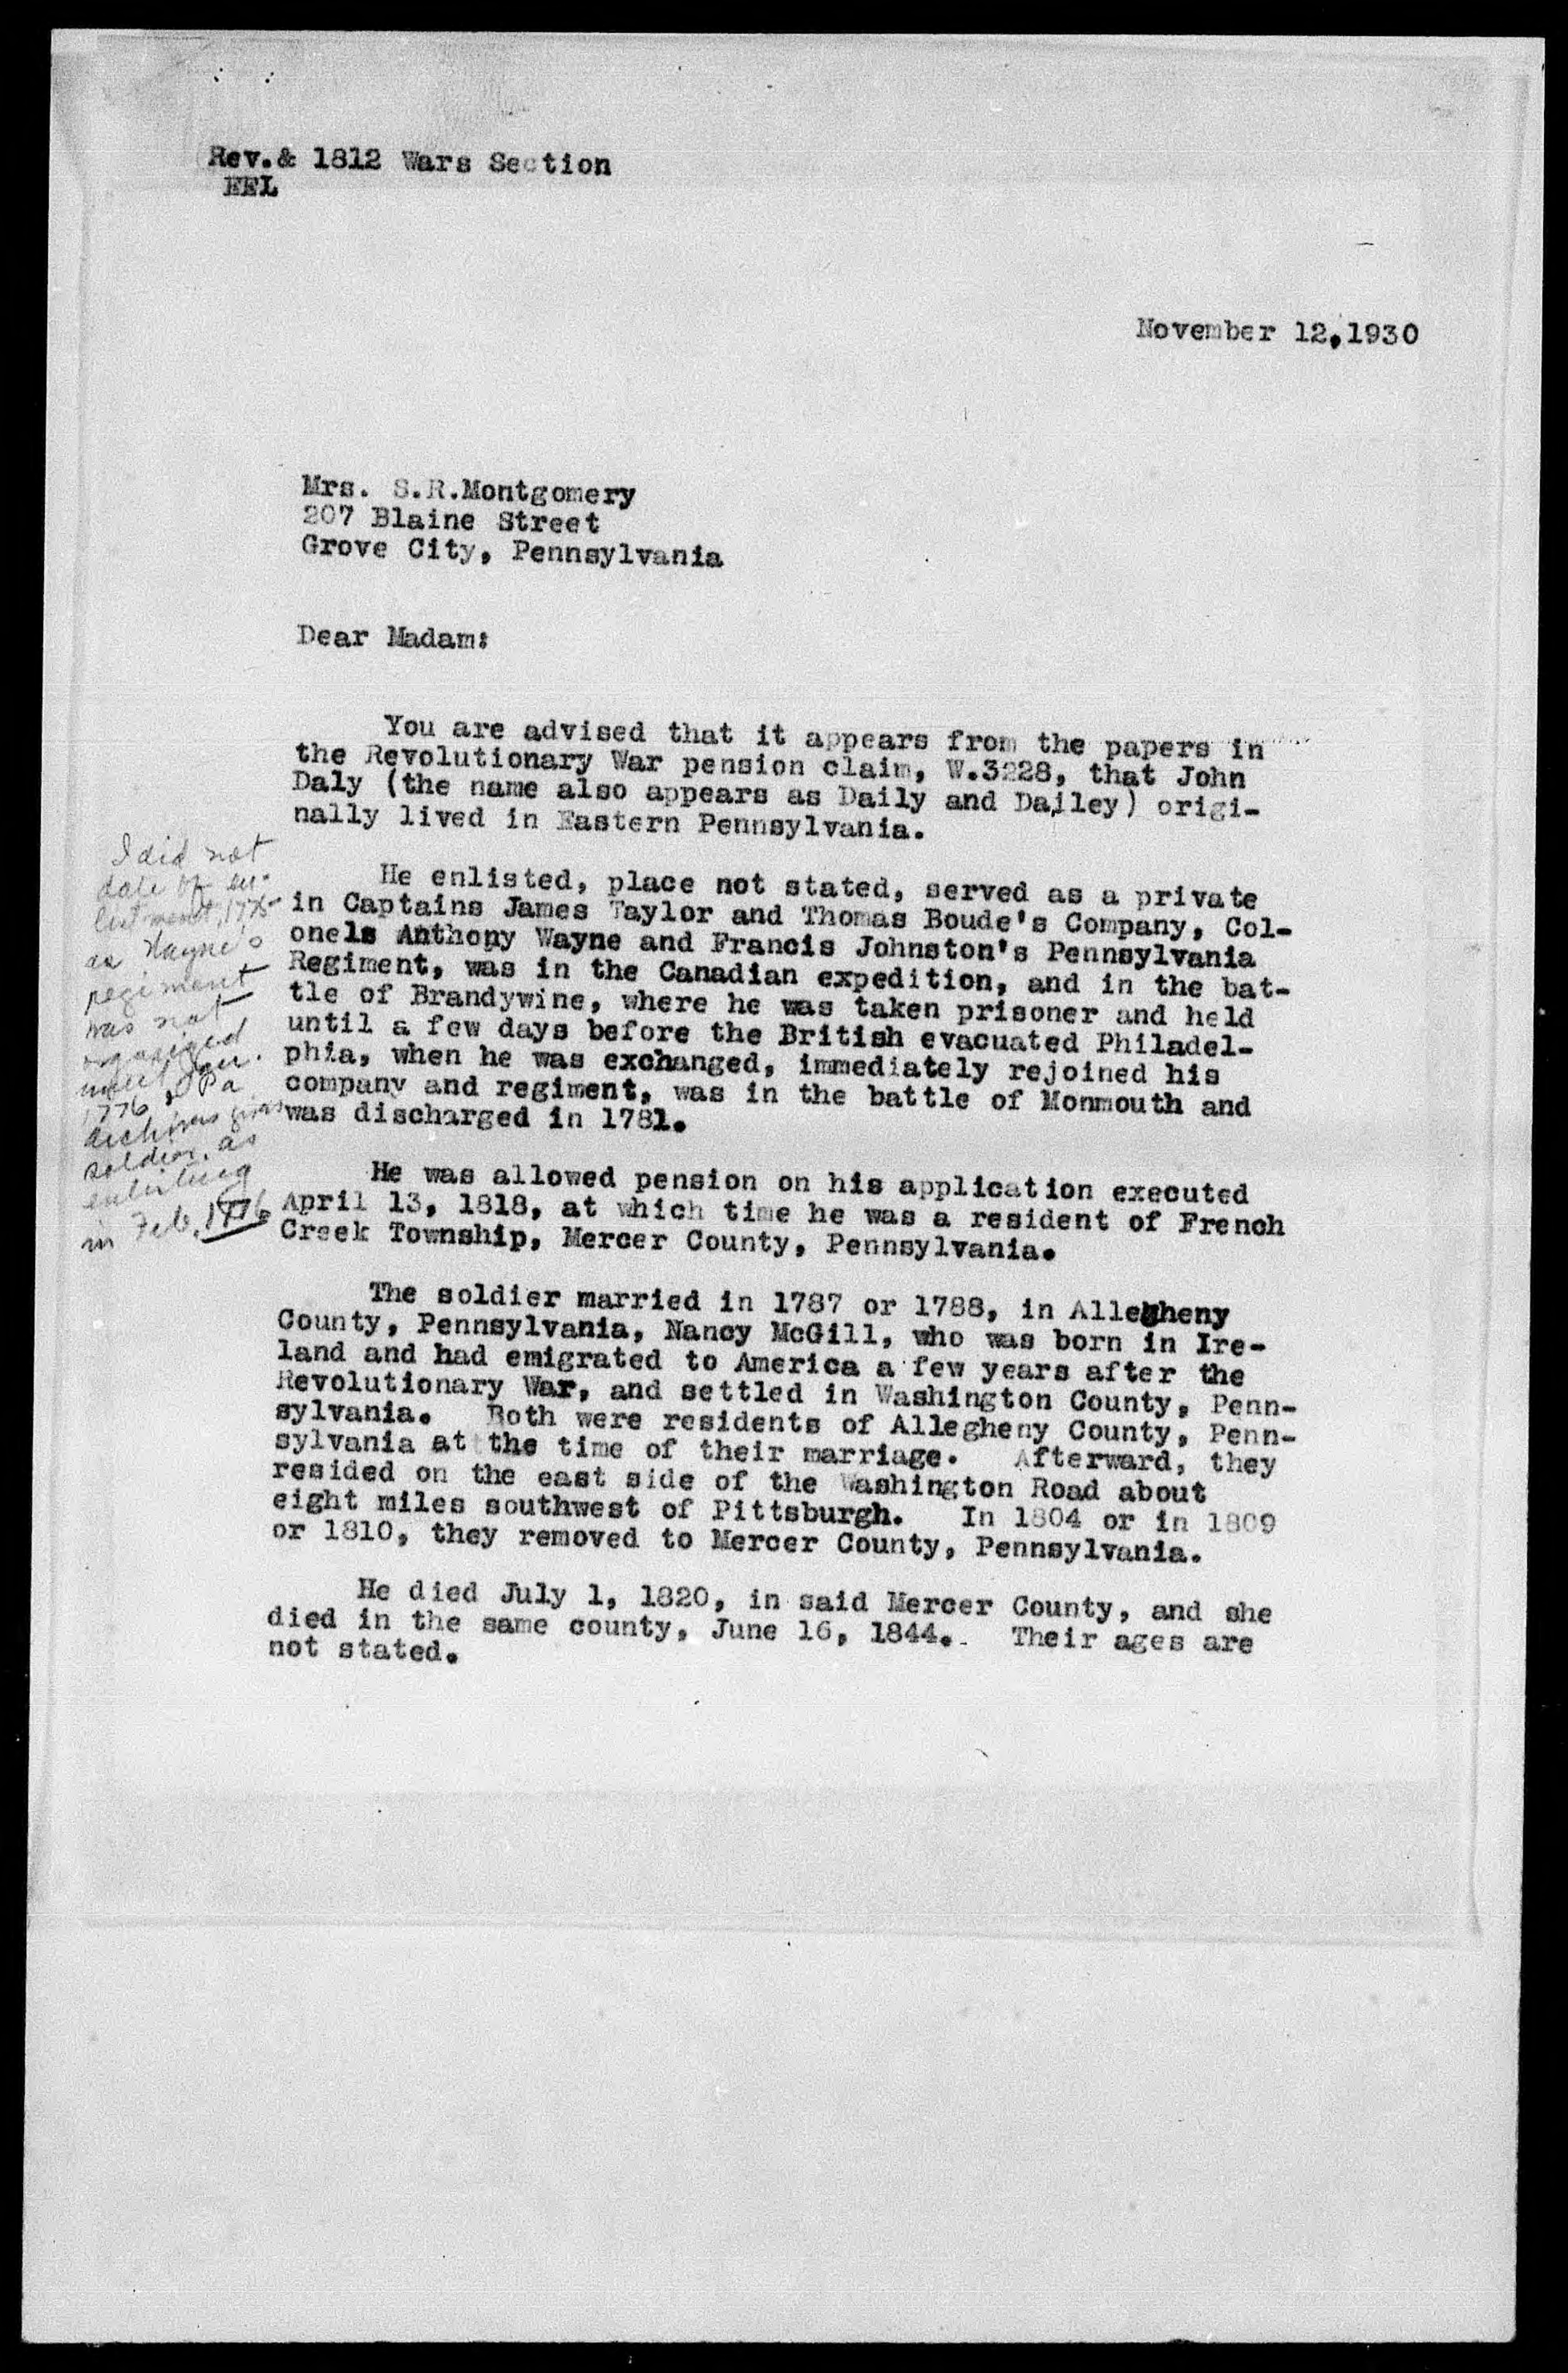[pg 1 of 2]

Rev. & 1812 Wars Section
EEL

November 12, 1930

Mrs. S. R. Montgomery
207 Blaine Street
Grove City, Pennsylvania

Dear Madam:

You are advised that it appears from the papers in  the Revolutionary War pension claim, W.3228, that John Daly (the name also appears as Daily and Dailey) originally lived in Eastern Pennsylvania.

He enlisted, place not stated, served as a private in Captains James Taylor and Thomas Boude's Company, Colonels Anthony Wayne and Francis Johnston's Pennsylvania Regiment, was in the Canadian expedition, and in the battle of Brandywine, where he was taken prisoner and held until a few days before the British evacuated Philadelphia, when he was exchanged, immediately rejoined his company and regiment, was in the battle of Monmouth and was discharged in 1781.

[handwritten note, left margin]
I did not date of enlistment, 1775 as Wayne's regiment was not organized until Jan. 1776 & Pa archives gives soldier as enlisting in Feb, 1776

He was allowed pension on his application executed April 18, 1818, at which time he was a resident of French Creek Township, Mercer County, Pennsylvania.

The soldier married in 1787 or 1788, in Allegheny County, Pennsylvania, Nancy McGill, who was born in Ireland and had emigrated to America a few years after the Revolutionary War, and settled in Washington County, Pennsylvania. Both were residents of Allegheny County, Pennsylvania at the time of their marriage. Afterward, they resided on the east side of the Washington Road about eight miles southwest of Pittsburgh. In 1804 or in 1809 or 1810, they removed to Mercer County, Pennsylvania.

He died July 1, 1820, in said Mercer County, and she died in the same county, June 16, 1844. Their ages are not stated.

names: Dailey, Nancy Mc Gill, Daily, John Daly, S R Montgomery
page: 62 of 63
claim: widow's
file: W. 3228, John Daly, Penn.